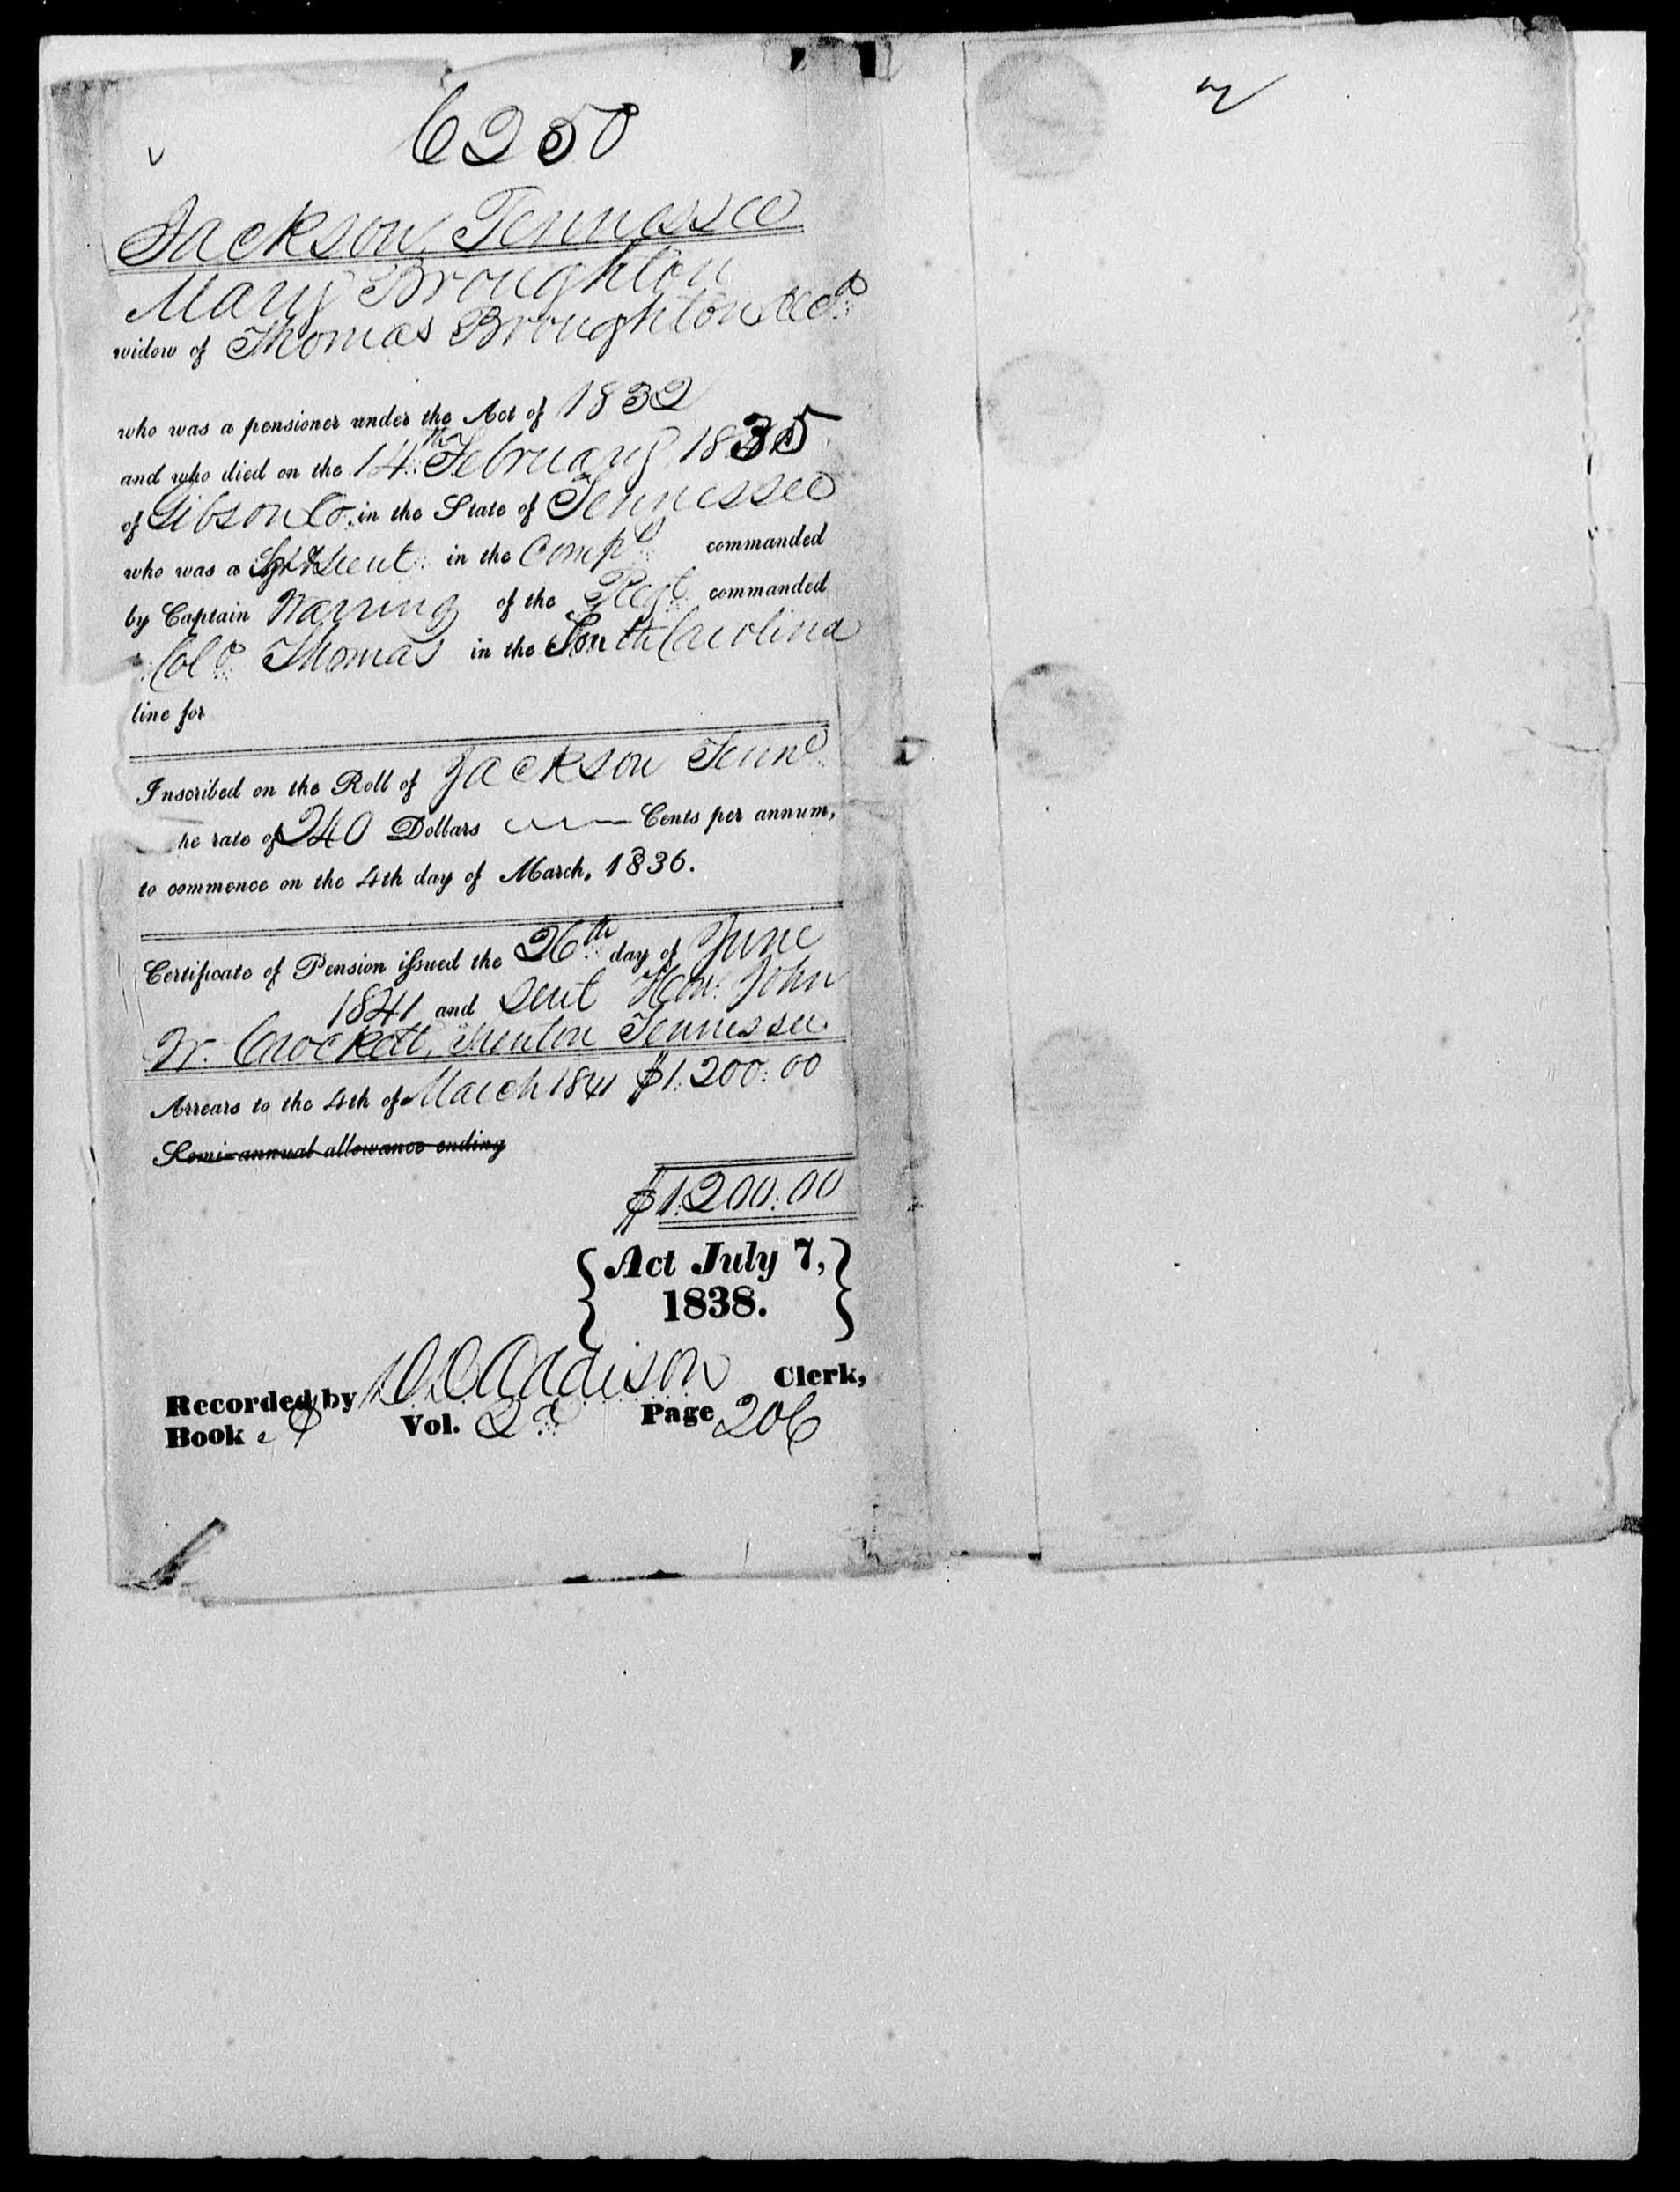6250
Jackson Tennessee
Mary Broughton
widow of Thomas Broughton Decd
who was a pensioner under the Act of 1832 and who died on the 14th February 1835 of Gibson Co in the State of Tennessee
who was a Sgt & Lieut in the Comp commanded by Captain Warring [Benjamin Waring] of the Regt commanded by Col [John, Jr.] Thomas in the South Carolina
line for _
Inscribed on the Roll of Jackson Tenn
at the rate of 240 Dollars ---- Cents per annum to commence on the 4th day of March, 1836.
Certificate of Pension issued the 26th day of June
1841 and sent Hon John W. 
Crockett, Trenton Tennessee
Arrears to the 4th of March 1841              $1,200:00 =  $1.200.00
Act July 7, 1838.
Recorded by D D Addison. Clerk,
Book A         Vol 2d       Page  206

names: John W Crockett, Mary Broughton, D D Addison, Warring, Thomas, Thomas Broughton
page: 48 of 72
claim: widow's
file: W. 897, Thomas Broughton, S.C.